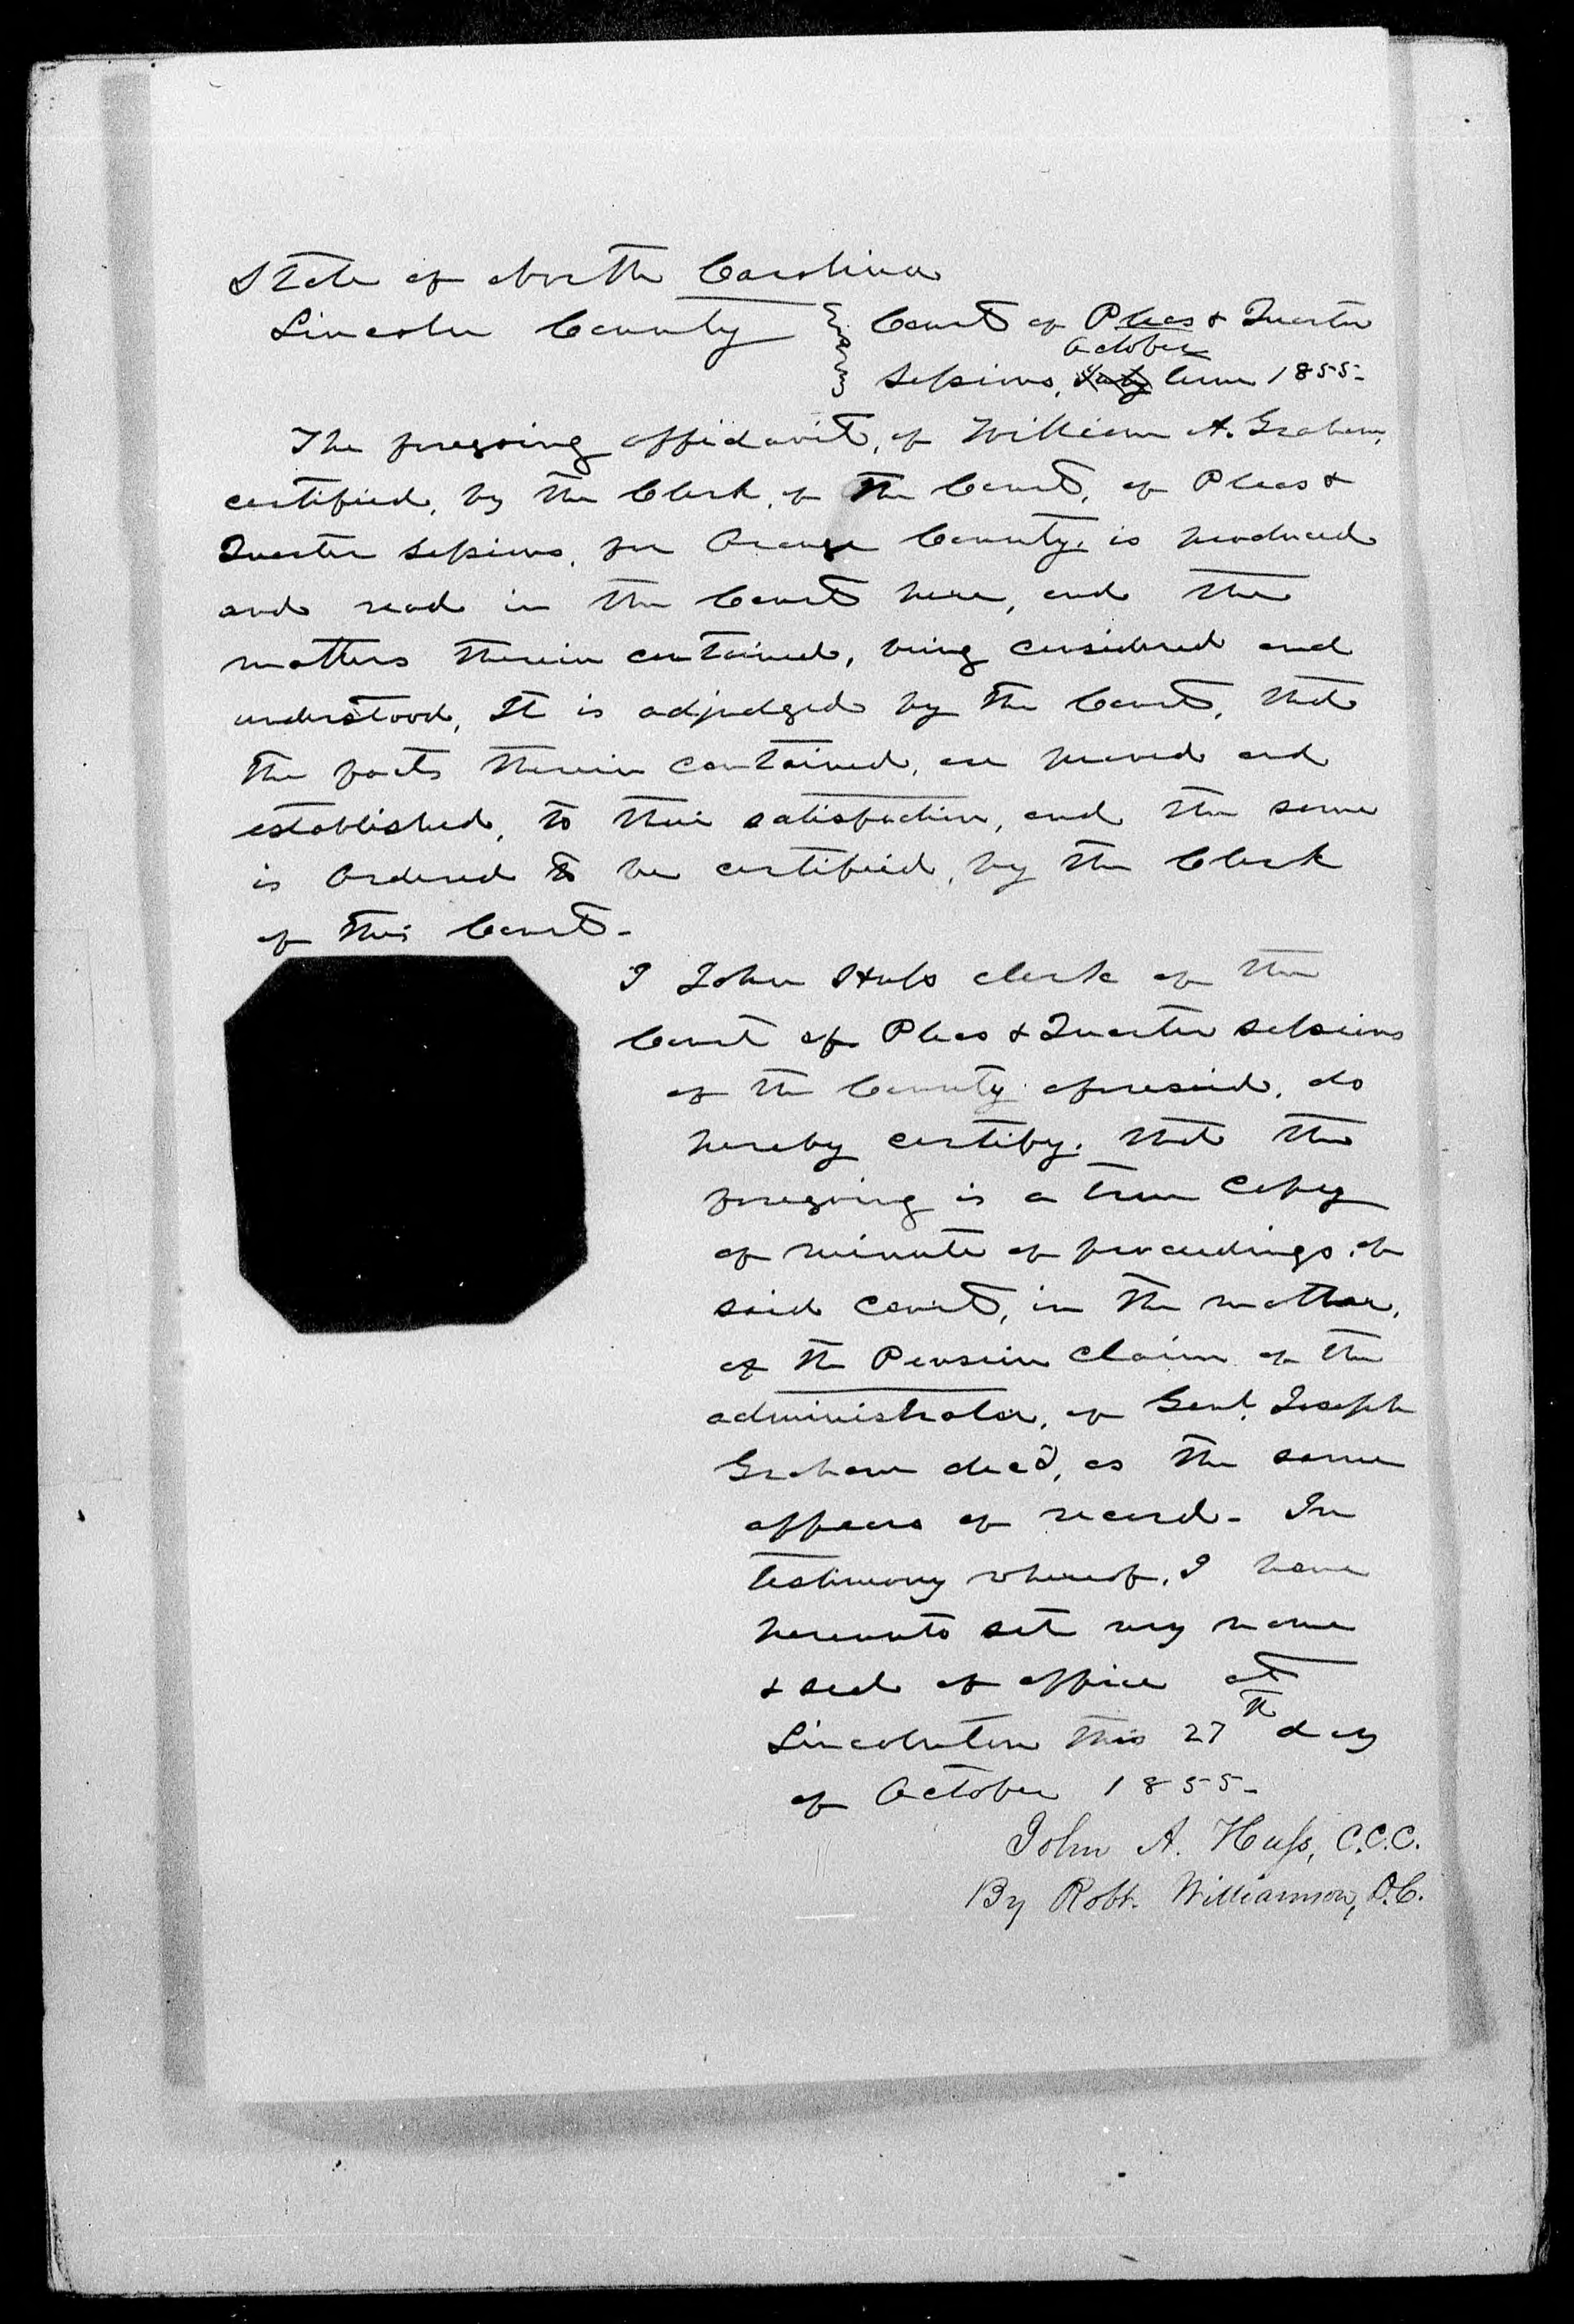State of North Carolina} Court of Pleas & Quarter
Lincoln County} Sessions October term 1855.

The foregoing affidavit of William A. Graham certified, by the Clerk of the Court of Pleas & Quarter Sessions, for Orange County is rendered and read in the Court here, and the matters therein continued, being consistent and understood. It is adjudged by the Court, that the facts herein contained are proved and established, to their satisfaction, and the same is ordered to be certified, by the Clerk of this court.
I John A, Huss Clerk of the Court of Pleas & Quarter Sessions of the County aforesaid, do hereby certify that the foregoing is a true copy of 
minutes of proceedings of said court in the matter of the Pension claim of the adminitrator of Gen'l. Joseph Graham dec'd as the same appears of record. In testimony whereof, I have hereunto set my name & seal of office at Lincolnton this 27th day of October 1855.
John A Huss, C. C. C. 
By Robt. Williams, D. C.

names: John A Huss, Robt Williamson, William A Graham, John Huls, Joseph Graham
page: 17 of 55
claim: survivor's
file: S. 6,937, Joseph Graham, N.C.